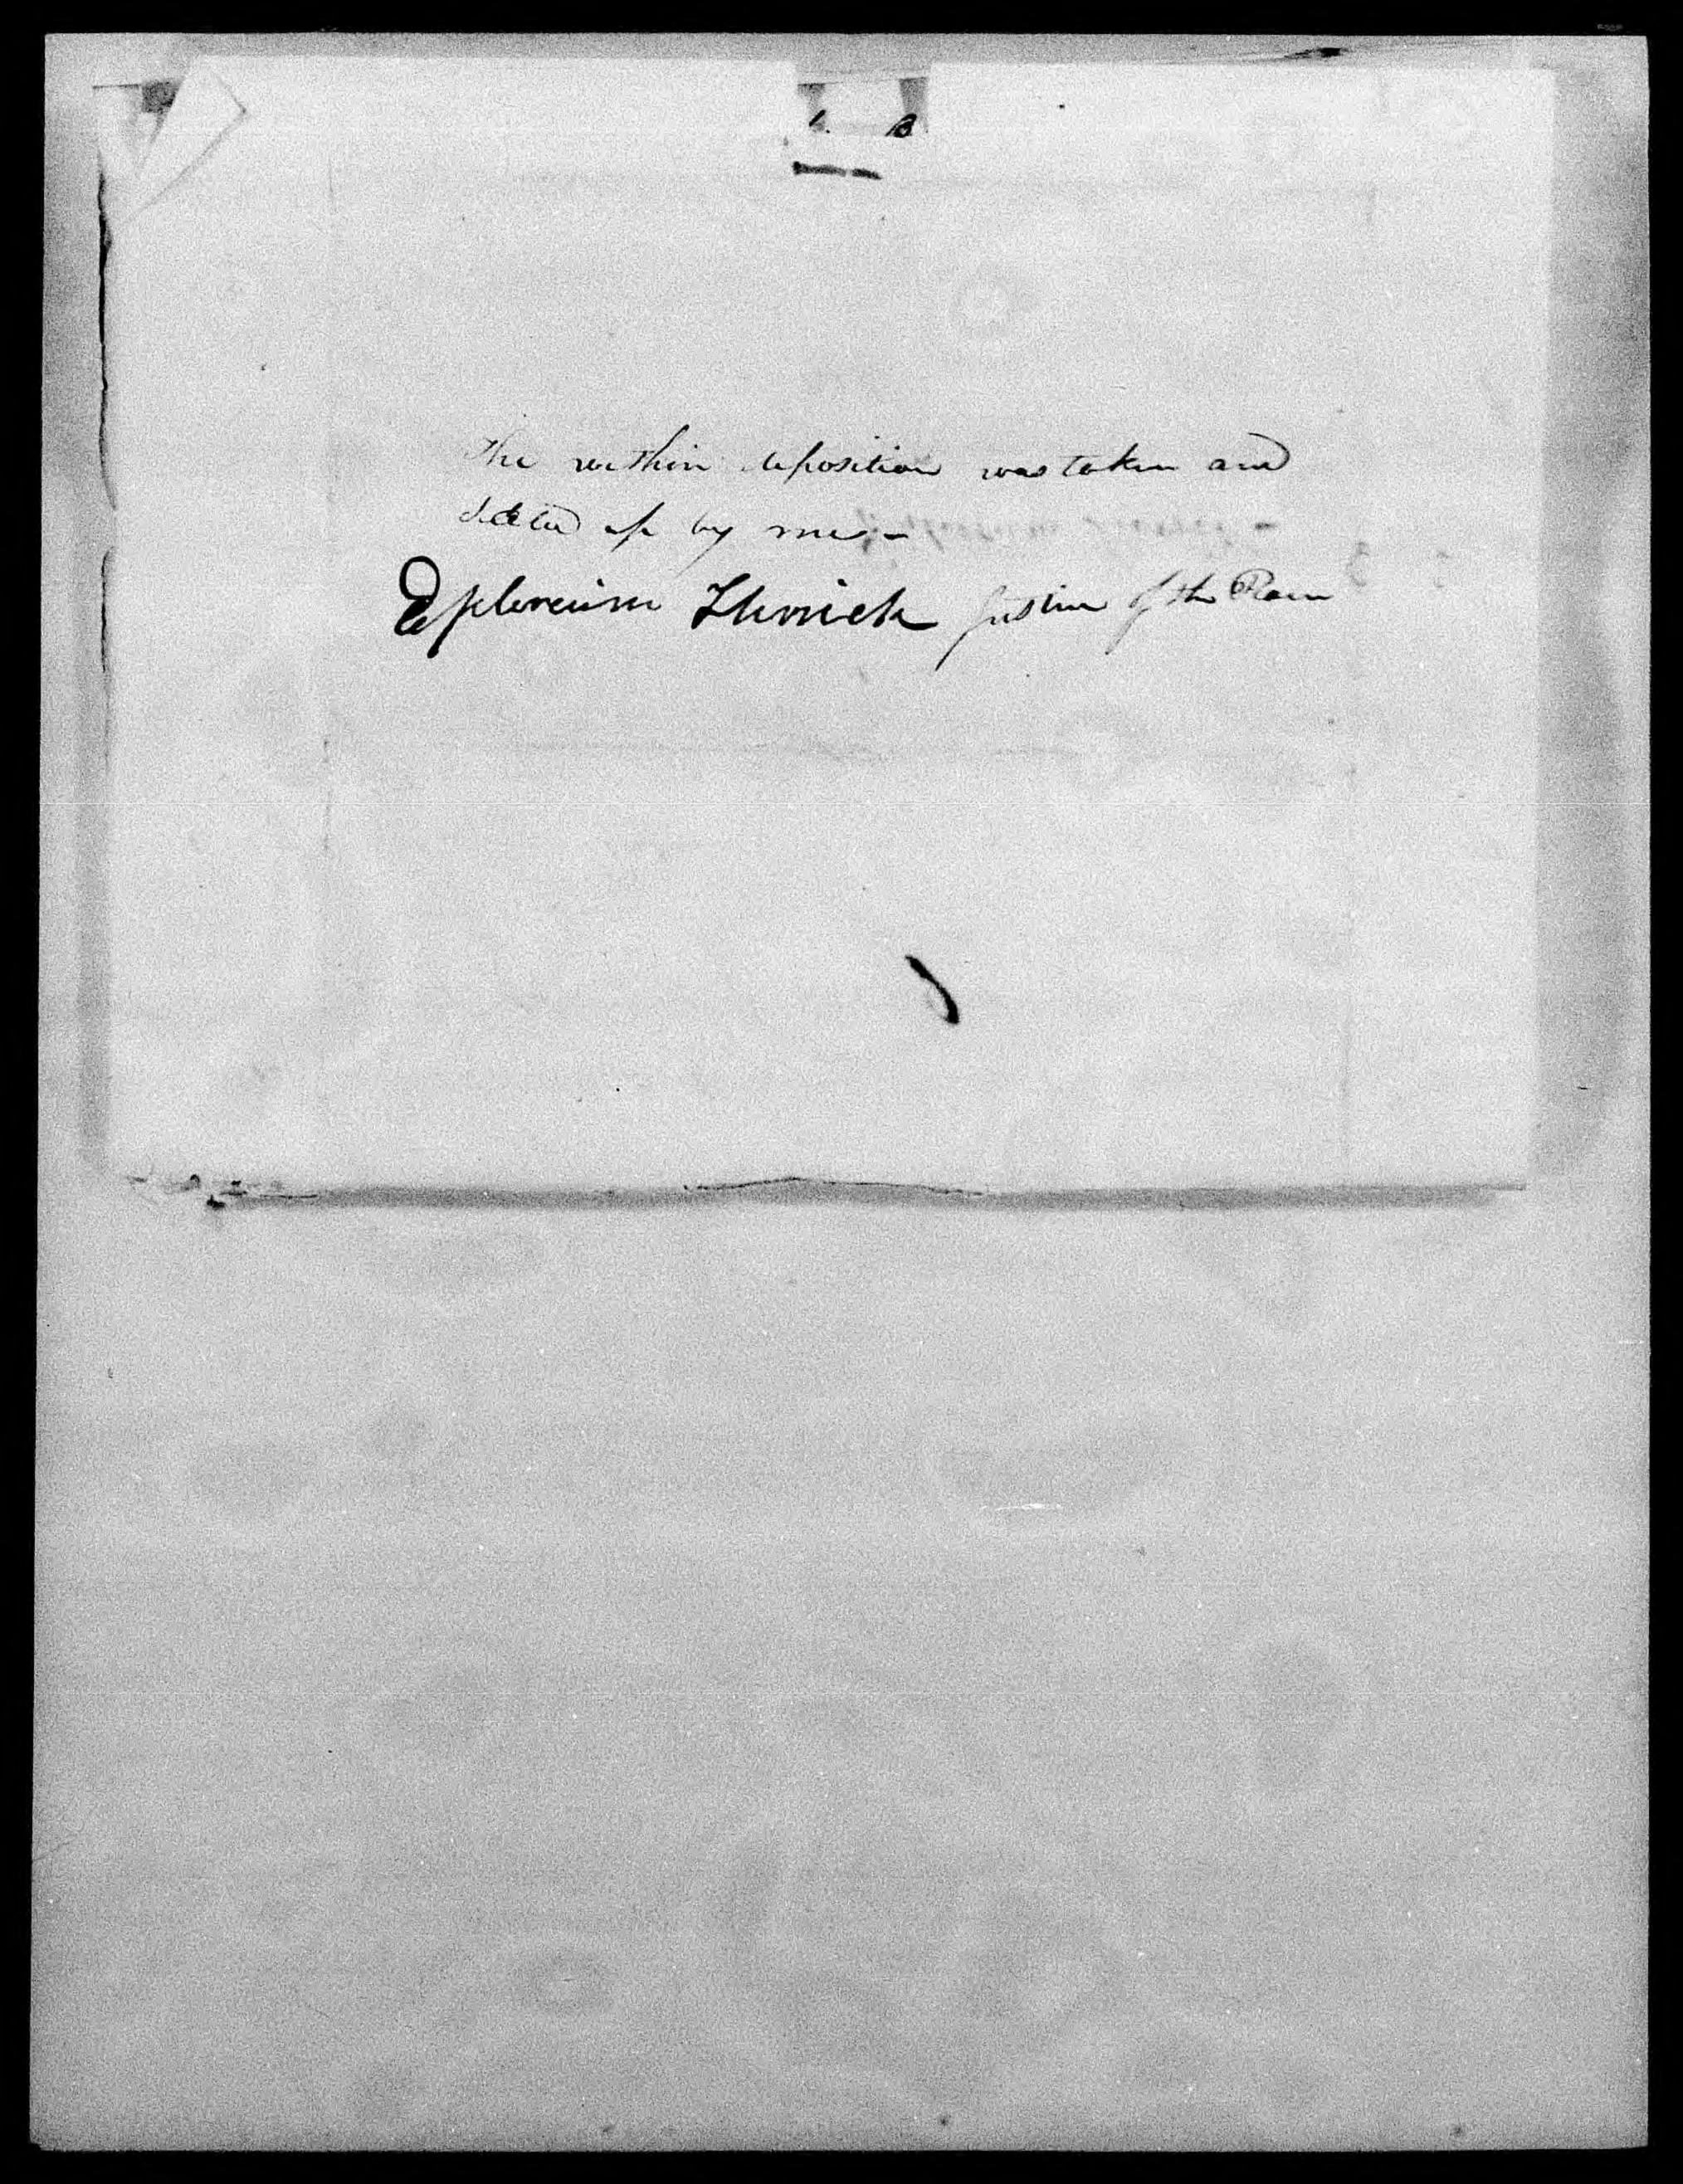The within deposition was taken and [illegible] of by me.

Ephraim Hemrick Justice of the Peace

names: Ephraim Herrick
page: 16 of 23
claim: survivor's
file: S 14072, for Elisha Owen, Vermont